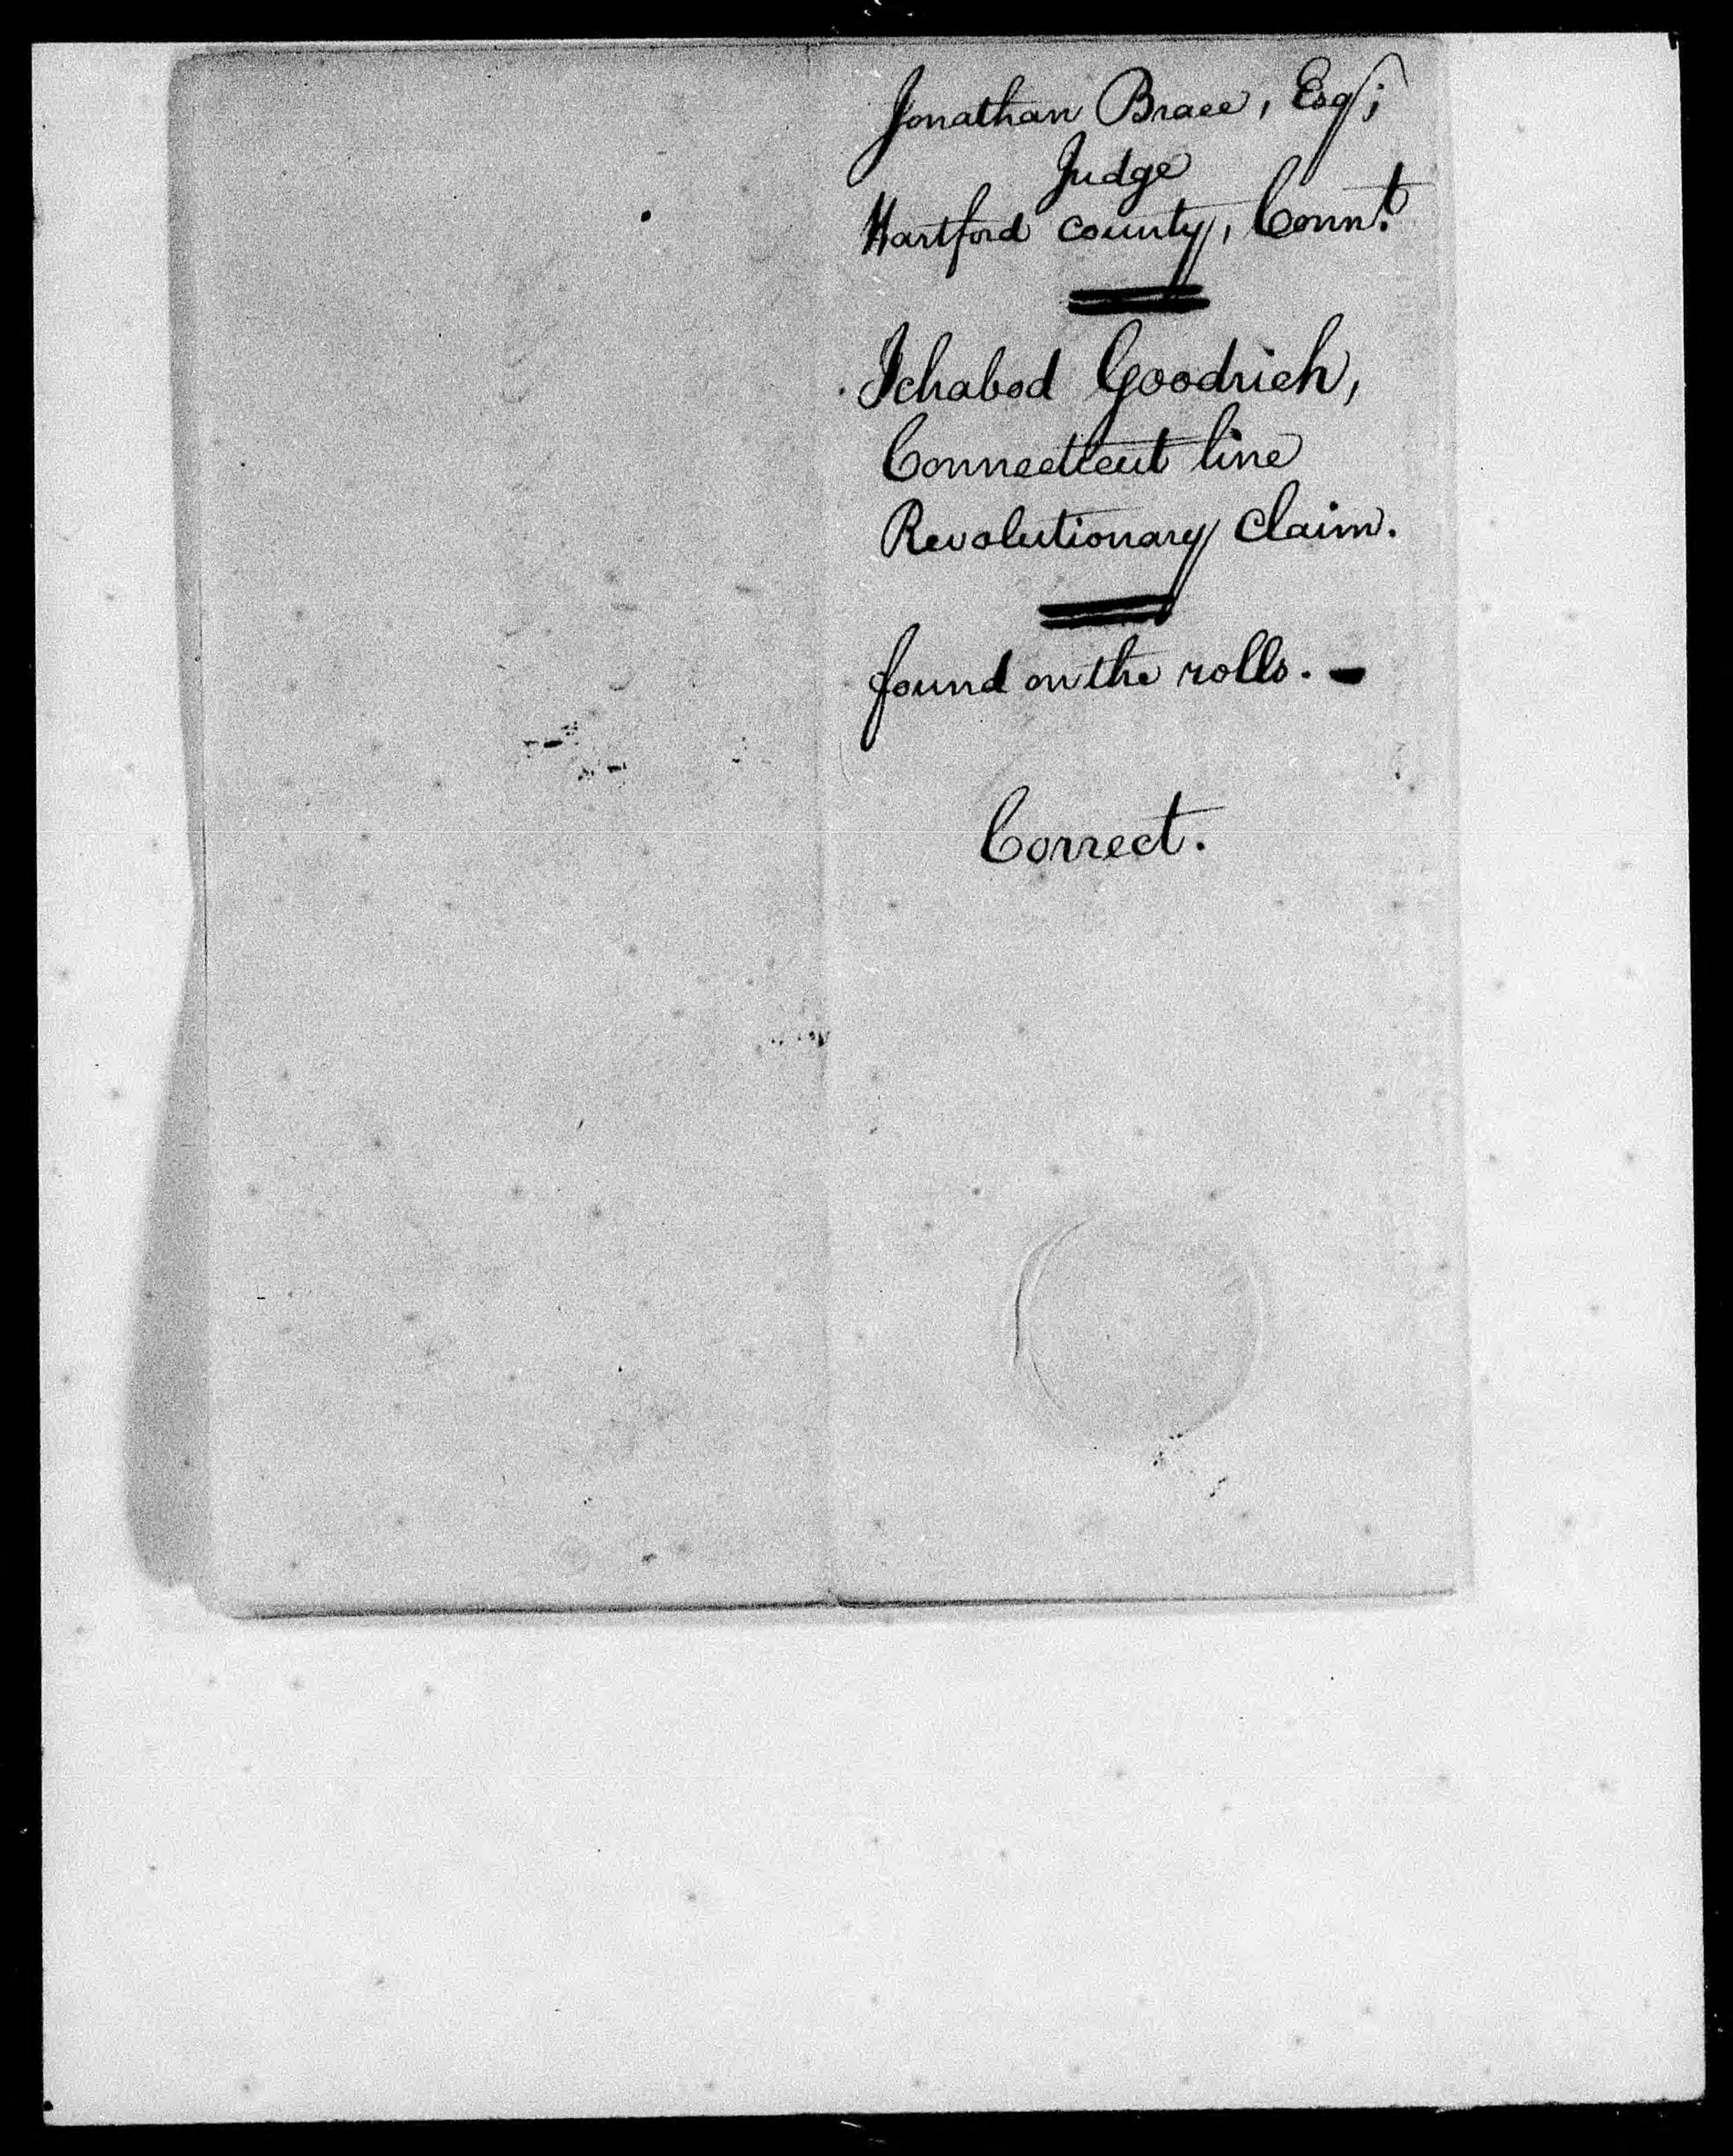Jonathan Brace, Esq;
Judge
Hartford county, Connt

Ichabod Goodrich,
Connecticut line
Revolutionary claim.

found on the rolls.

Correct.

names: Ichabod Goodrich, Jonathan Brace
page: 3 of 46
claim: survivor's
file: S. 36,556, Ichabod Goodrich, Conn.